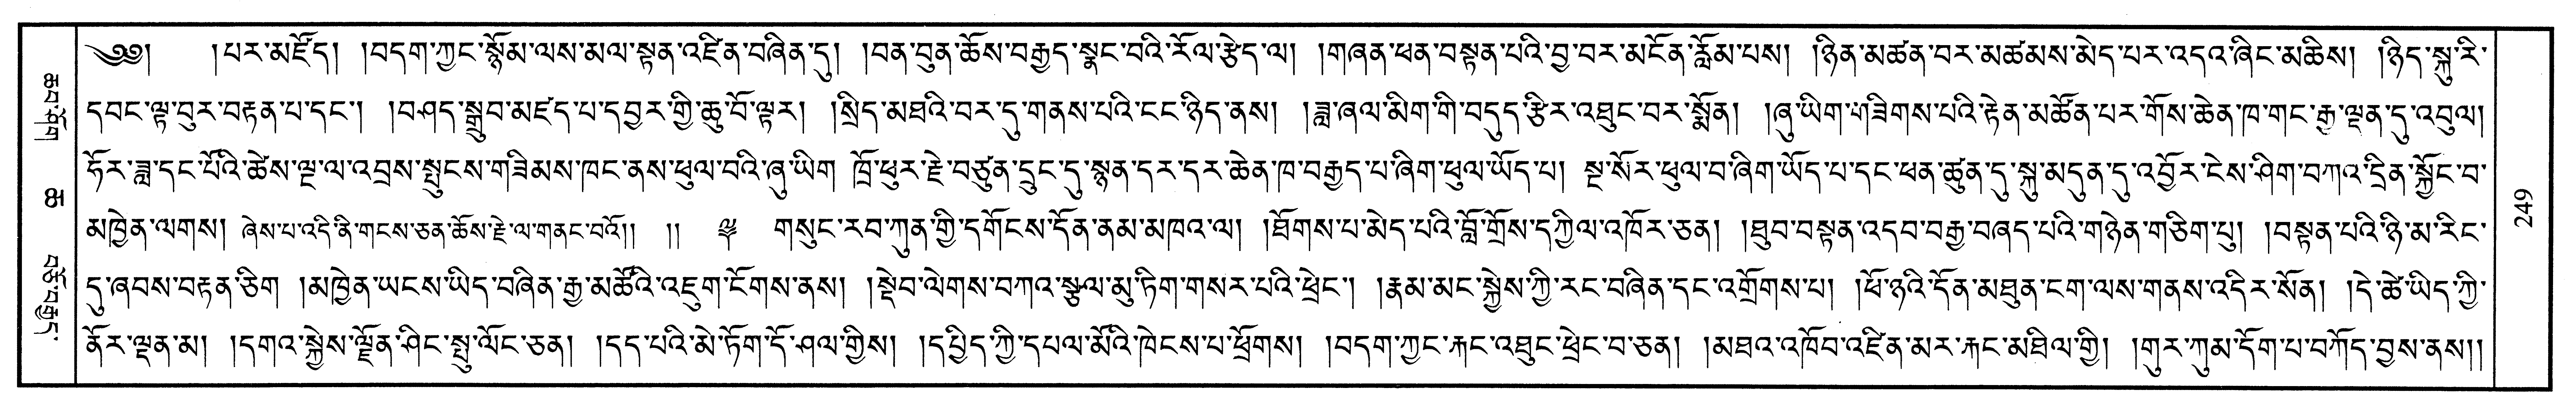༄༅། །པར་མཛོད། །བདག་ཀྱང་སྙོམ་ལས་མལ་སྟན་འཛིན་བཞིན་དུ། །བན་བུན་ཆོས་བརྒྱད་སྣང་བའི་རོལ་རྩེད་ལ། །གཞན་ཕན་བསྟན་པའི་བྱ་བར་མངོན་རློམ་པས། །ཉིན་མཚན་བར་མཚམས་མེད་པར་འདའ་ཞིང་མཆིས། །ཉིད་སྐུ་རི་
དབང་ལྟ་བུར་བརྟན་པ་དང་། །བཤད་སྒྲུབ་མཛད་པ་དབྱར་གྱི་ཆུ་བོ་ལྟར། །སྲིད་མཐའི་བར་དུ་གནས་པའི་ངང་ཉིད་ནས། །ཟླ་ཞལ་མིག་གི་བདུད་རྩིར་འཐུང་བར་སྨོན། །ཞུ་ཡིག་གཟིགས་པའི་རྟེན་མཚོན་པར་གོས་ཆེན་ཁ་གང་རྒྱ་ལྡན་དུ་འབུལ།
ཧོར་ཟླ་དང་པོའི་ཚེས་ལྔ་ལ་འབྲས་སྤུངས་གཟིམས་ཁང་ནས་ཕུལ་བའི་ཞུ་ཡིག་ཁྲོ་ཕུར་རྗེ་བཙུན་དྲུང་དུ་སྙན་དར་དར་ཆེན་ཁ་བརྒྱད་པ་ཞིག་ཕུལ་ཡོད་པ། སྔ་སོར་ཕུལ་བ་ཞིག་ཡོད་པ་དང་ཕན་ཚུན་དུ་སྐུ་མདུན་དུ་འབྱོར་ངེས་ཤིག་བཀའ་དྲིན་སྐྱོང་བ་
མཁྱེན་ལགས། ཞེས་པ་འདི་ནི་གངས་ཅན་ཆོས་རྗེ་ལ་གནང་བའོ།། །། ༈ གསུང་རབ་ཀུན་གྱི་དགོངས་དོན་ནམ་མཁའ་ལ། །ཐོགས་པ་མེད་པའི་བློ་གྲོས་དཀྱིལ་འཁོར་ཅན། །ཐུབ་བསྟན་འདབ་བརྒྱ་བཞད་པའི་གཉེན་གཅིག་པུ། །བསྟན་པའི་ཉི་མ་རིང་
དུ་ཞབས་བརྟན་ཅིག །མཁྱེན་ཡངས་ཡིད་བཞིན་རྒྱ་མཚོའི་འཇུག་ངོགས་ནས། །སྡེབ་ལེགས་བཀའ་སྩལ་མུ་ཏིག་གསར་པའི་ཕྲེང་། །རྣམ་མང་སྐྱེས་ཀྱི་རང་བཞིན་དང་འགྲོགས་པ། །ཕོ་ཉའི་དོན་མཐུན་ངག་ལས་གནས་འདིར་སོན། །དེ་ཚེ་ཡིད་ཀྱི་
ནོར་ལྡན་མ། །དགའ་སྐྱེས་ལྗོན་ཤིང་སྤུ་ལོང་ཅན། །དད་པའི་མེ་ཏོག་དོ་ཤལ་གྱིས། །དཔྱིད་ཀྱི་དཔལ་མོའི་ཁེངས་པ་ཕྲོགས། །བདག་ཀྱང་རྐང་འཐུང་ཕྲེང་བ་ཅན། །མཐའ་འཁོབ་འཛིན་མར་རྐང་མཐིལ་གྱི། །གུར་ཀུམ་དོག་པ་བཀོད་བྱས་ནས།།